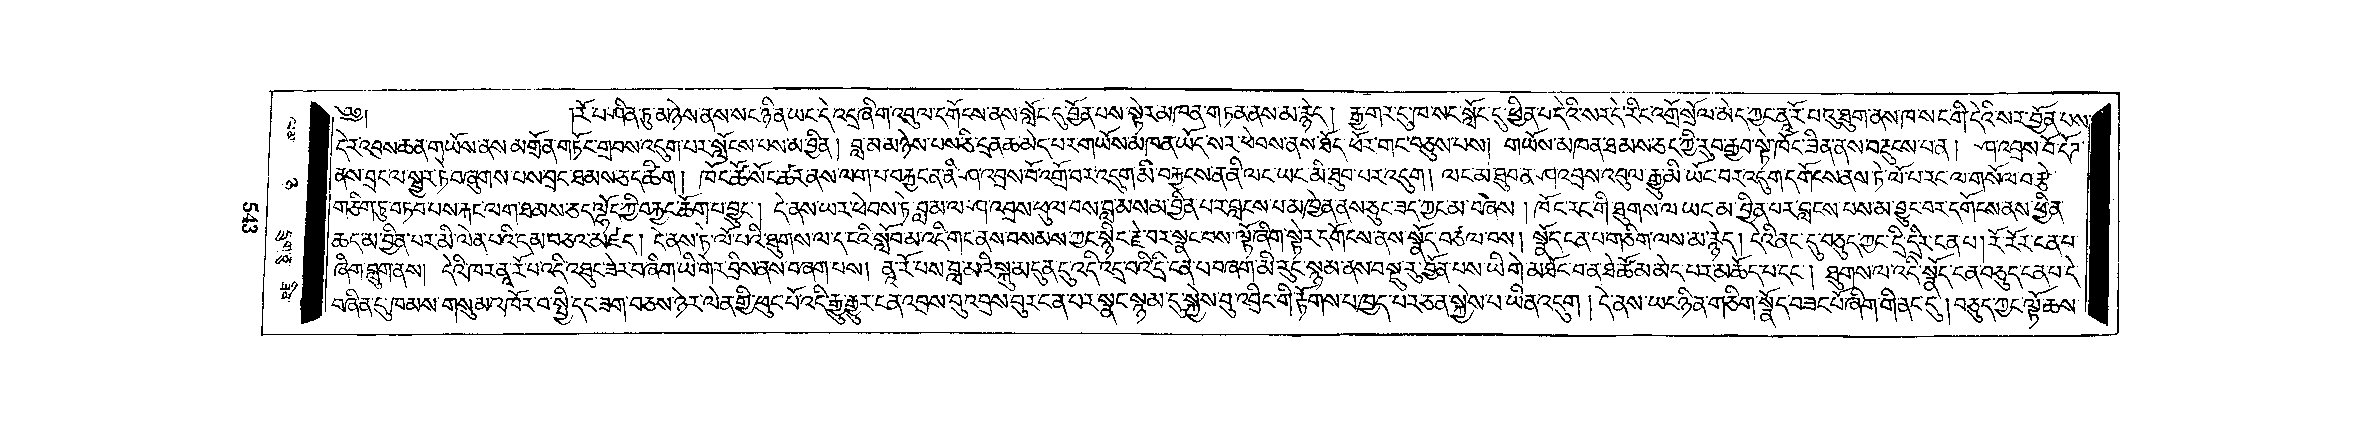༄༅། །རོ་པ་ཤིན་ཏུ་མཉེས་ནས་སང་ཉིན་ཡང་དེ་འདྲ་ཞིག་འབུལ་དགོངས་ནས་སློང་དུ་བྱོན་པས་སྟེར་མཁན་གཏན་ནས་མ་རྙེད། རྒྱ་གར་དུ་ཁ་སང་སློང་དུ་ཕྱིན་པ་དེའི་སར་དེ་རིང་འགྲོ་སྲོལ་མེད་ཀྱང་ནཱ་རོ་པ་འུ་ཐུག་ནས་ཁ་སང་གི་དེའི་སར་བྱོན་པས་
དེར་འབྲས་ཆན་གཡོས་ནས་མགྲོན་གཏོང་གྲབས་འདུག་པར་སློངས་པས་མ་བྱིན། བླ་མ་མཉེས་པས་ཅི་དྲན་ཆ་མེད་པར་གཡོས་མཁན་ཡོད་སར་ཕེབས་ནས་ཐོད་ཕོར་གང་བཅུས་པས། གཡོས་མཁན་ཐམས་ཅད་ཀྱི་རུབ་རྒྱབ་སྟེ་ཁོང་ཟིན་ནས་བརྡུངས་པ་ན། ཤ་འབྲས་བོ་དོགས་
ནས་བྲང་ལ་སྦྱར་ཏེ་བཞུགས་པས་བྲང་ཐམས་ཅད་ཚིག །ཁོང་ཚོ་སོང་ཚར་ནས་ལག་པ་བརྐྱང་ན་ནི་ཤ་འབྲས་བོ་འགྲོ་བར་འདུག་མི་བརྐྱངས་ན་ནི་ལང་ཡང་མི་ཐུབ་པར་འདུག །ལང་མ་ཐུབ་ན་ཤ་འབྲས་འབུལ་རྒྱུ་མི་ཡོང་བར་འདུག་དགོངས་ནས་ཏེ་ལོ་པ་རང་ལ་གསོལ་བ་རྩེ་
གཅིག་ཏུ་བཏབ་པས་རྐང་ལག་ཐམས་ཅད་ལྷོད་ཀྱི་བརྐྱང་ཆོག་པ་བྱུང་། དེ་ནས་ཡར་ཕེབས་ཏེ་བླ་མ་ལ་ཤ་འབྲས་ཕུལ་བས་བླ་མས་མ་བྱིན་པར་བླངས་པ་མཁྱེན་ནས་ཅུང་ཟད་ཀྱང་མ་བཞེས། ཁོང་རང་གི་ཐུགས་ལ་ཡང་མ་བྱིན་པར་བླངས་པས་མ་བྱུང་བར་དགོངས་ནས་ཕྱིན་
ཆད་མ་བྱིན་པར་མི་ལེན་པའི་དམ་བཅའ་མཛད། དེ་ནས་ཏེ་ལོ་པའི་ཐུགས་ལ་ད་ངའི་སློབ་མ་འདི་གང་ནས་བསམས་ཀྱང་སྙིང་རྗེ་བར་སྣང་བས་ལྟོ་ཞིག་སྟེར་དགོངས་ནས་སྣོད་བཙལ་བས། སྣོད་ངན་པ་གཅིག་ལས་མ་རྙེད། དེའི་ནང་དུ་བཅུད་ཀྱང་དྲི་དྲིར་ངན་པ། རོ་རོར་ངན་པ་
ཞིག་བླུག་ནས། དེའི་ཁར་ནཱ་རོ་པ་འདི་འཐུང་ཟེར་བ་ཞིག་ཡི་གེར་བྲིས་ནས་བཞག་པས། ནཱ་རོ་པས་བླ་མའི་སྐུ་མདུན་དུ་འདི་འདྲ་བའི་དྲི་ངན་པ་བཞག་མི་རུང་སྙམ་ནས་བསྡུ་རུ་བྱོན་པས་ཡི་གེ་མཐོང་བ་ན་ཐེ་ཚོམ་མེད་པར་མཆོད་པ་དང་། ཐུགས་ལ་འདི་སྣོད་ངན་བཅུད་ངན་པ་དེ་
བཞིན་དུ་ཁམས་གསུམ་འཁོར་བ་སྤྱི་དང་ཟག་བཅས་ཉེར་ལེན་གྱི་ཕུང་པོ་འདི་རྒྱུ་རྒྱུར་ངན་འབྲས་བུ་འབྲས་བུར་ངན་པར་སྣང་སྙམ་དུ་སྐྱེས་བུ་འབྲིང་གི་རྟོགས་པ་ཁྱད་པར་ཅན་སྐྱེས་པ་ཡིན་འདུག །དེ་ནས་ཡང་ཉིན་གཅིག་སྣོད་བཟང་པོ་ཞིག་གི་ནང་དུ། མྕུད་ཀྱང་ལྟོ་ཆས་